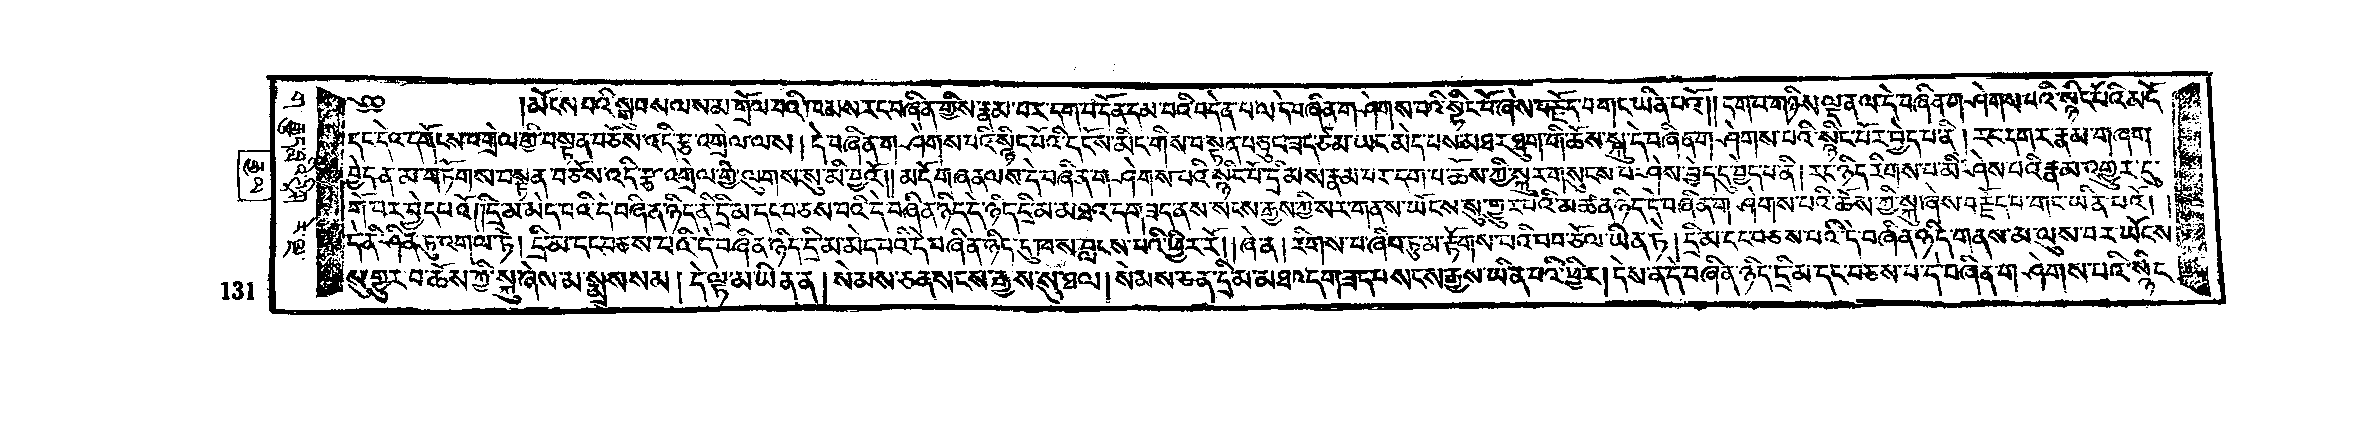༄༅། །མོངས་བའི་སྒྲུབས་ལས་མ་གྲོལ་བའི་ཁམས་རང་བཞིན་གྱིས་རྣམ་པར་དག་པ་དོན་དམ་པའི་བདེན་པ་ལ་དེ་བཞིན་གཤེགས་པའི་སྙིང་པོ་ཞེས་བརྗོད་པ་གང་ཡིན་པའོ། །དག་པ་གཉིས་ལྡན་ལ་དེ་བཞིན་གཤེགས་པའི་སྙིང་པོའི་མདོ་
དང་དེའི་དགོངས་འགྲེལ་གྱི་བསྟན་བཅོས་འདི་རྩ་འགྲེལ་ལས། དེ་བཞིན་གཤེགས་པའི་སྙིང་པོའི་དངོས་མིང་གིས་བསྟན་པ་ཅུང་ཟད་ཙམ་ཡང་མེད་པས་མཐར་ཐུག་གི་ཆོས་སྐུ་དེ་བཞིན་གཤེགས་པའི་སྙིང་པོར་བྱེད་པ་ནི། རང་དགར་རྣམ་གཞག་
བྱེད་ན་མ་གཏོགས་བསྟན་བཅོས་འདི་རྩ་འགྲེལ་གྱི་ལུགས་སུ་མི་བྱའོ། །མདོ་གཞན་ལས་དེ་བཞིན་གཤེགས་པའི་སྙིང་པོ་དྲི་མས་རྣམ་པར་དག་པ་ཆོས་ཀྱི་སྐུར་གསུངས་པ་ཤེས་བྱེད་དུ་བྱེད་པ་ནི། རང་ཉིད་རིགས་པ་མི་ཤེས་པའི་རྣམ་འགྱུར་དུ་
གོ་བར་བྱེད་པའོ། །དྲི་མ་མེད་པའི་དེ་བཞིན་ཉིད་ནི་དྲི་མ་དང་བཅས་པའི་དེ་བཞིན་ཉིད་དེ་ཉིད་དྲི་མ་མཐའ་དག་ཟད་ནས་སངས་རྒྱས་ཀྱི་སར་གནས་ཡོངས་སུ་གྱུར་པའི་མཚན་ཉིད་དེ་བཞིན་གཤེགས་པའི་ཆོས་ཀྱི་སྐུ་ཞེས་བརྗོད་པ་གང་ཡིན་པའོ། །
དེ་ནི་ཤིན་ཏུ་འགལ་ཏེ། དྲི་མ་དང་བཅས་པའི་དེ་བཞིན་ཉིད་དྲི་མ་མེད་པའི་དེ་བཞིན་ཉིད་དུ་ཁས་བླངས་པའི་ཕྱིར་རོ། །ཞེ་ན། རིགས་པ་ཞིབ་ཏུ་མ་རྟོགས་པའི་བབ་ཅོལ་ཡིན་ཏེ། དྲི་མ་དང་བཅས་པའི་དེ་བཞིན་ཉིད་གནས་མ་ལུས་པར་ཡོངས་
སུ་གྱུར་པ་ཆོས་ཀྱི་སྐུ་ཞེས་མ་སྨྲས་སམ། དེ་ལྟ་མ་ཡིན་ན། སེམས་ཅན་སངས་རྒྱས་སུ་ཐལ། སེམས་ཅན་དྲི་མ་མཐའ་དག་ཟད་པ་སངས་རྒྱས་ཡིན་པའི་ཕྱིར། དེས་ན་དེ་བཞིན་ཉིད་དྲི་མ་དང་བཅས་པ་དེ་བཞིན་གཤེགས་པའི་སྙིང་